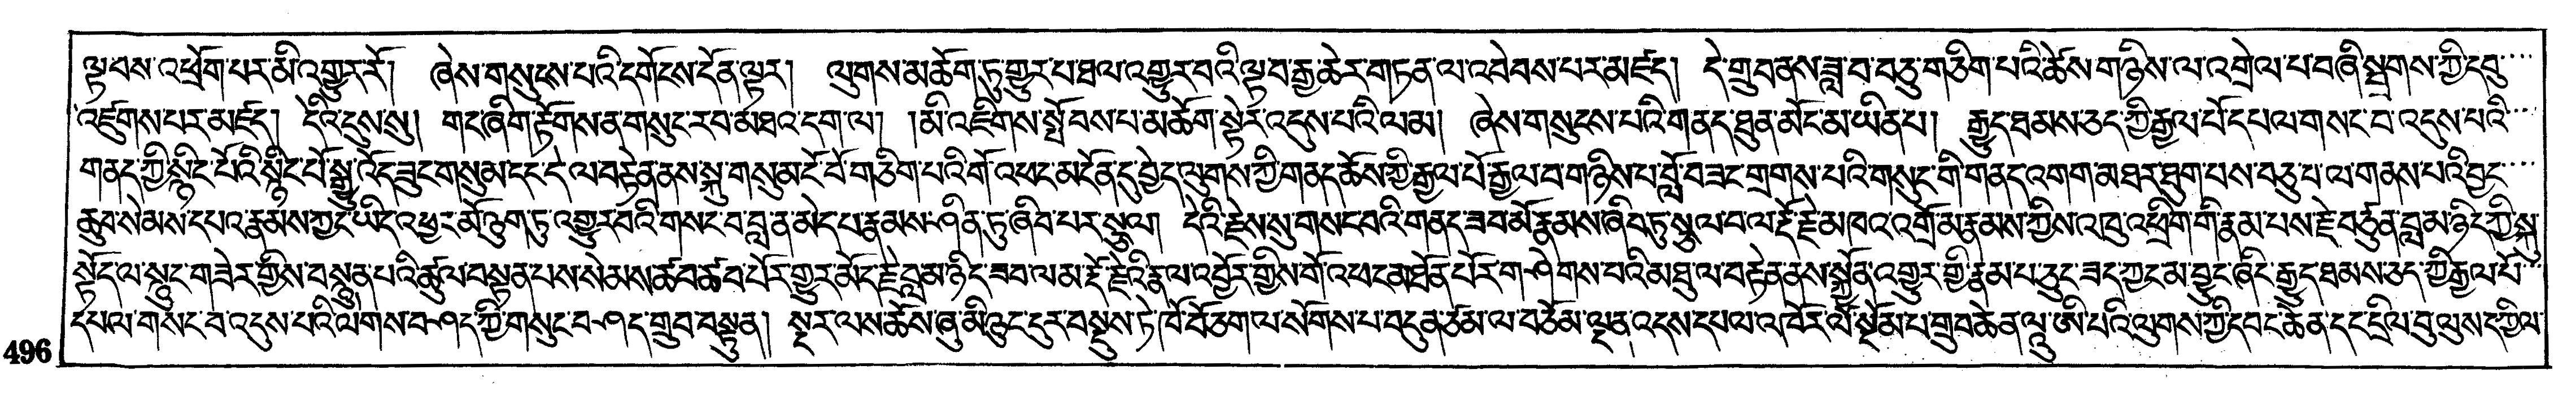ལྟ་བས་འཕྲོག་པར་མི་འགྱུར་རོ། ཞེས་གསུངས་པའི་དགོངས་དོན་ལྟར། ལུགས་མཆོག་ཏུ་གྱུར་པ་ཐལ་འགྱུར་བའི་ལྟ་བ་རྒྱ་ཆེར་གཏན་ལ་འབེབས་པར་མཛད། དེ་གྲུབ་ནས་ཟླ་བ་བཅུ་གཅིག་པའི་ཚེས་གཉིས་ལ་འགྲེལ་པ་བཞི་སྤྲགས་ཀྱི་དབུ་
འཛུགས་པར་མཛད། དེའི་དུས་སུ། གང་ཞིག་རྟོགས་ན་གསུང་རབ་མཐའ་དག་ལ། །མི་འཇིགས་སྤོབས་པ་མཆོག་སྟེར་འདུས་པའི་ལམ། ཞེས་གསུངས་པའི་གནད་ཐུན་མོང་མ་ཡིན་པ། རྒྱུད་ཐམས་ཅད་ཀྱི་རྒྱལ་པོ་དཔལ་གསང་བ་འདུས་པའི་
གནད་ཀྱི་སྙིང་པོའི་སྙིང་པོ་སྒྱུ་འོད་ཟུང་གསུམ་དང་དེ་ལ་བརྟེན་ནས་སྐུ་གསུམ་ངོ་བོ་གཅིག་པའི་གོ་འཕང་མངོན་དུ་བྱེད་ལུགས་ཀྱི་གནད་ཆོས་ཀྱི་རྒྱལ་པོ་རྒྱལ་བ་གཉིས་པ་བློ་བཟང་གྲགས་པའི་གསུང་གི་གནད་འགག་མཐར་ཐུག་པ་ས་བཅུ་པ་ལ་གནས་པའི་བྱང་
ཆུབ་སེམས་དཔའ་རྣམས་ཀྱང་ཡིད་འཕྱང་མོ་ཉུག་ཏུ་འགྱུར་བའི་གསང་བ་བླ་ན་མེད་པ་རྣམས་ཤིན་ཏུ་ཞིབ་པར་སྩལ། དེའི་རྗེས་སུ་གསང་བའི་གནད་ཟབ་མོ་རྣམས་ཞིབ་ཏུ་སྩལ་བ་ལ་རྡོ་རྗེ་མཁའ་འགྲོ་མ་རྣམས་ཀྱིས་འཁུ་འཕྲིག་གི་རྣམ་པས་རྗེ་བཙུན་བླ་མ་ཉིད་ཀྱི་སྐུ་
སྟོད་ལ་སྙུང་གཟེར་གྱིས་བསྙུན་པའི་ཚུལ་བསྟན་པས་སེམས་ཚབ་ཚབ་པོར་གྱུར་མོད་རྗེ་བླ་མ་ཉིད་ཟབ་ལམ་རྡོ་རྗེའི་རྣལ་འབྱོར་གྱིས་གོ་འཕང་མཐོན་པོར་གཤེགས་པའི་མཐུ་ལ་བརྟེན་ནས་སྐྱོན་འགྱུར་གྱི་རྣམ་པ་ཅུང་ཟད་ཀྱང་མ་བྱུང་ཞིང་རྒྱུད་ཐམས་ཅད་ཀྱི་རྒྱལ་པོ་
དཔལ་གསང་བ་འདུས་པའི་ལེགས་བཤད་ཀྱི་གསུང་བཤད་གྲུབ་བསྟུན། སྔར་ལས་ཆོས་ཞུ་མི་ཉུང་དུར་བསྡུས་ཏེ་ཁོ་བོ་ཅག་ལ་སོགས་པ་བདུན་ཙམ་ལ་བཅོམ་ལྡན་འདས་དཔལ་འཁོར་ལོ་སྡོམ་པ་གྲུབ་ཆེན་ལཱུ་ཨི་པའི་ལུགས་ཀྱི་དབང་ཆེན་དང་དྲིལ་བུ་ལུས་དཀྱིལ་